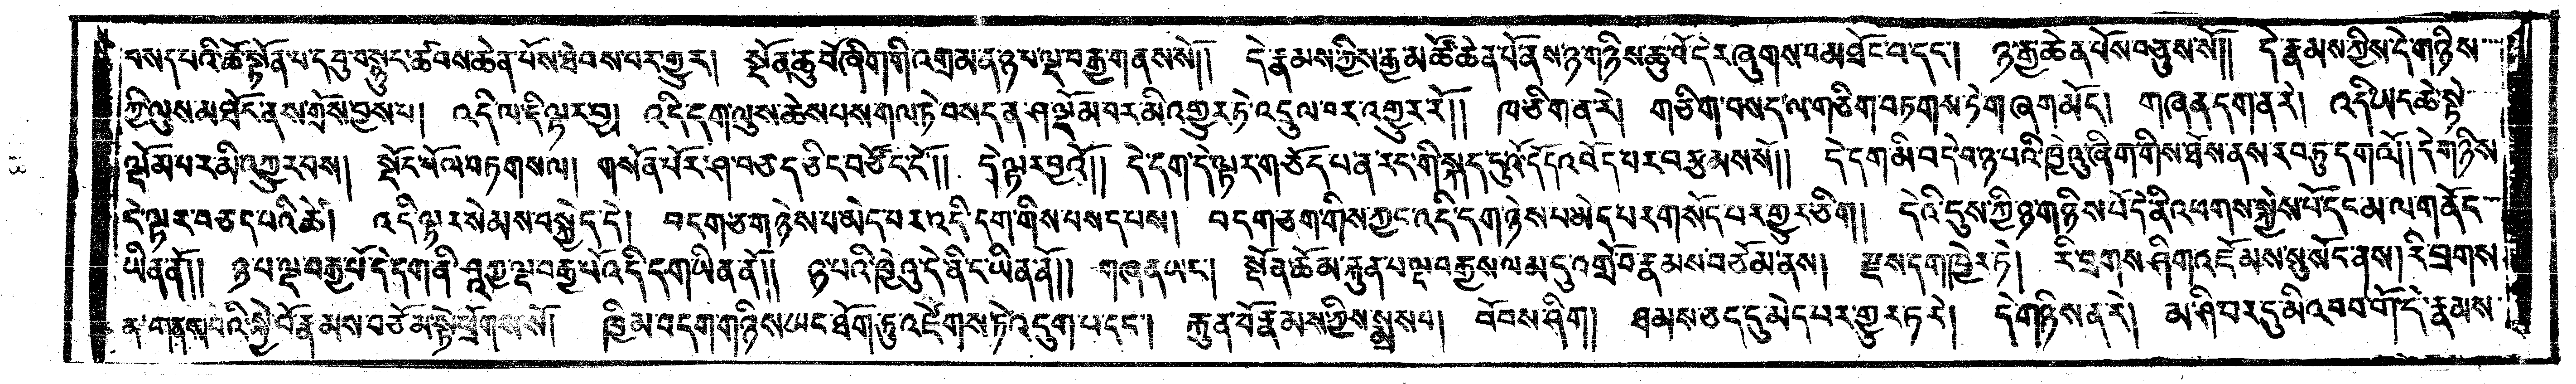བསད་པའི་ཚེ་སྟོན་པ་དབུ་བསྙུང་ཚབས་ཆེན་པོས་ཐེབས་པར་གྱུར། སྔོན་ཆུ་བོ་ཞིག་གི་འགྲམ་ན་ཉ་པ་ལྔ་བརྒྱ་གནས་སོ། །དེ་རྣམས་ཀྱིས་རྒྱ་མཚོ་ཆེན་པོ་ནས་ཉ་གཉིས་ཆུ་བོ་དེར་ཞུགས་བ་མཐོང་བ་དང་། ཉ་རྒྱ་ཆེན་པོས་བཅུས་སོ། །དེ་རྣམས་ཀྱིས་དེ་གཉིས་
ཀྱི་ལུས་མཐོང་ནས་གྲོས་བྱས་པ། འདི་ལ་ཇི་ལྟར་བྱ། འདི་དག་ལུས་ཆེས་པས་གལ་ཏེ་བསད་ན་ཤ་ལྡོམ་བར་མི་འགྱུར་ཏེ་འདྲུལ་བར་འགྱུར་རོ། །ཁ་ཅིག་ན་རེ། གཅིག་བསད་ལ་གཅིག་བཏགས་ཏེ་གཞག་མོད། གཞན་དག་ན་རེ། འདི་ཡང་ཆེ་སྟེ་
ལྡོམ་པར་ཨི་འྐྱུར་བས། སྡོང་པོ་ལ་བཏགས་ལ། གསོན་པོར་ཤ་བཅད་ཅིང་བཙོང་ངོ། །དེ་ལྟར་བྱའོ། །དེ་དག་དེ་ལྟར་གཅོད་པ་ན་རང་གི་སྐད་དུ་འོ་དོད་འབོད་པར་བརྩམས་སོ། །དེ་དག་མི་བདེ་བ་ཉ་པའི་ཁྱེའུ་ཞིག་གིས་ཐོས་ནས་རབ་ཏུ་དགའོ། །དེ་གཉིས་
དེ་ལྟར་བཅད་པའི་ཚེ། འདི་ལྟར་སེམས་བསྐྱེད་དེ། བདག་ཅ་གཉེས་པ་མེད་པར་འདི་དག་གིས་བསད་པས། བདག་ཅག་གིས་ཀྱང་འདི་དག་ཉེས་པ་མེད་པར་གསོད་པར་གྱུར་ཅིག །དེའི་དུས་ཀྱི་ཉ་གཉིས་པོ་དེ་ནི་འཕགས་སྐྱེས་པོ་དང་མ་ལ་གནོད་
ཡིན་ནོ། །ཉ་པ་ལྔ་བརྒྱ་པོ་དེ་དག་ནི་ཤཱཀྱ་ལྔ་བརྒྱ་པོ་འདི་དག་ཡིན་ནོ། །ཉ་པའི་ཁྱེའུ་དེ་ནི་ང་ཡིན་ནོ། །གཞན་ཡང་། སྔོན་ཆོམ་རྐུན་པ་ལྔ་བརྒྱས་ལམ་དུ་འགྲོ་བ་རྣམས་བཅོམ་ནས། རྫས་དག་ཁྱེར་ཏེ། རི་བྲགས་ཤིག་འཇོམས་སུ་སོང་ནས། རི་བྲགས་
ན་གནས་པའི་སྐྱེ་བོ་རྣམས་བཅོམ་སྟེ་ཕྲོགས་སོ། ཁྱིམ་བདག་གཉིས་ཡང་ཐོག་ཏུ་འཛེགས་ཏེ་འདུག་པ་དང་། རྐུན་པོ་རྣམས་ཀྱིས་སྨྲས་པ། བོབས་ཤིག །ཐམས་ཅད་དུ་མེད་པར་གྱུར་ཏ་རེ། དེ་གཉིས་ན་རེ། མ་ཤི་བར་དུ་འབབ་གོ་དེ་རྣམས་